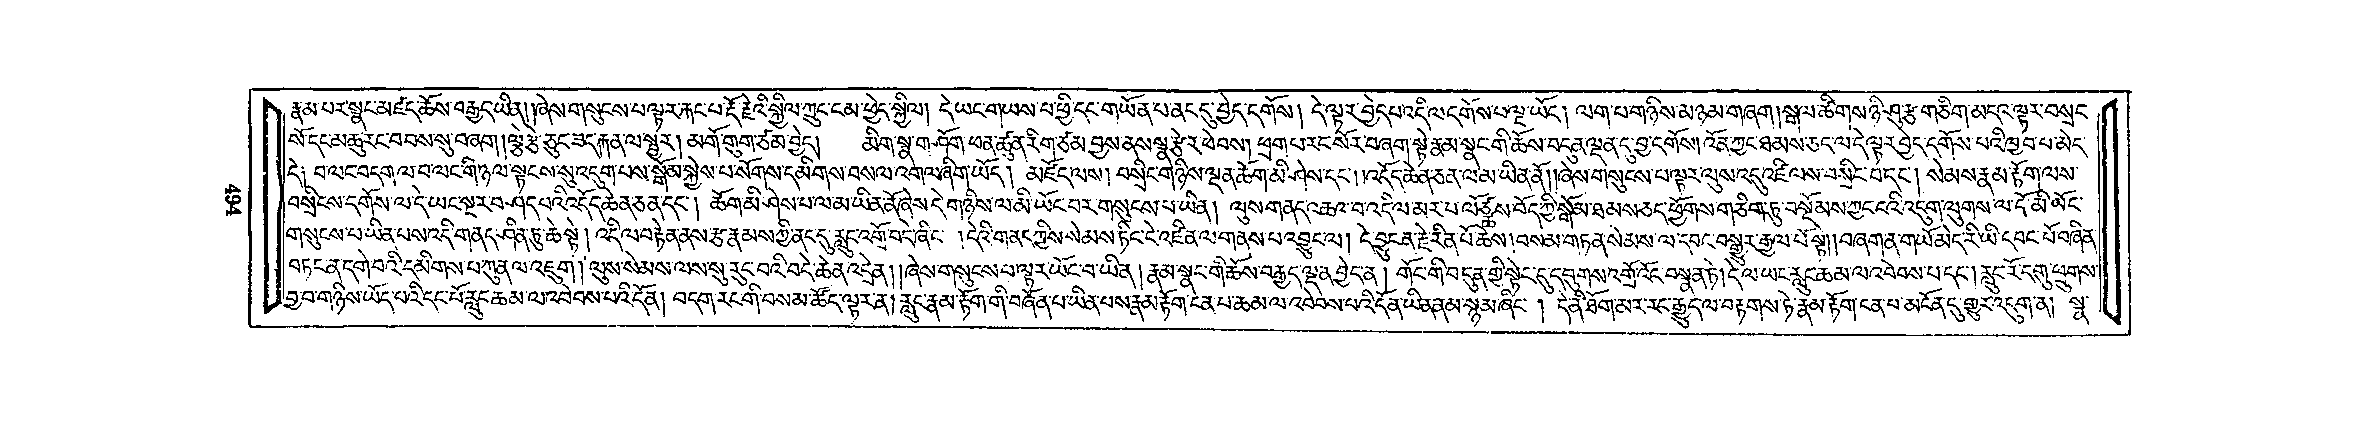རྣམ་པར་སྣང་མཛད་ཆོས་བརྒྱད་ཡིན། །ཞེས་གསུངས་པ་ལྟར་རྐང་པ་རྡོ་རྗེའི་སྐྱིལ་ཀྲུང་ངམ་ཕྱེད་སྐྱིལ། དེ་ཡང་གཡས་པ་ཕྱི་དང་གཡོན་པ་ནང་དུ་བྱེད་དགོས། དེ་ལྟར་བྱེད་པ་འདི་ལ་དགོས་པ་ལྔ་ཡོད། ལག་པ་གཉིས་མཉམ་གཞག །སྒལ་ཚིགས་ཉི་ཤུ་རྩ་གཅིག་མདའ་ལྟར་བསྲང་
སོ་དང་མཆུ་རང་བབས་སུ་བཞག །ལྕེ་རྩེ་ཅུང་ཟད་རྐན་ལ་སྦྱར། མགོ་གུག་ཙམ་བྱེད། མིག་སྣ་གཤོག་ཕན་ཚུན་རིག་ཙམ་བྱས་ནས་སྣ་རྩེར་ཕེབས། ཕྲག་པ་རང་སོར་བཞག་སྟེ་རྣམ་སྣང་གི་ཆོས་བདུན་ལྡན་དུ་བྱ་དགོས། འོན་ཀྱང་ཐམས་ཅད་ལ་དེ་ལྟར་བྱེད་དགོས་པའི་ཁྱབ་པ་མེད་
དེ། བ་ལང་བདག་ལ་བ་ལང་གི་ཉལ་སྟངས་སུ་འདུག་པས་སྒོམ་སྐྱེས་པ་སོགས་དམིགས་བསལ་འགལ་ཞིག་ཡོད། མཛོད་ལས། བསྲིང་གཉིས་ལྡན་ཆོག་མི་ཤེས་དང་། །འདོད་ཆེན་ཅན་ལ་མ་ཡིན་ནོ། །ཞེས་གསུངས་པ་ལྟར་ལུས་འདུ་འཛི་ལས་བསྲིང་བ་དང་། སེམས་རྣམ་རྟོག་ལས་
བསྲིངས་དགོས་ལ་དེ་ཡང་སྔར་བཤད་པའི་འདོད་ཆེན་ཅན་དང་། ཆོག་མི་ཤེས་པ་ལ་མ་ཡིན་ནོ་ཞེས་དེ་གཉིས་ལ་མི་ཡོང་བར་གསུངས་པ་ཡིན། ལུས་གནད་འཆའ་བ་འདི་ལ་མར་པ་ལོཙྪས་བོད་ཀྱི་སྒོམ་ཐམས་ཅད་ཕྱོགས་གཅིག་ཏུ་བསྡོམས་ཀྱང་ངའི་འདུག་ལུགས་ལ་དོ་མི་ཡོང་
གསུངས་པ་ཡིན་པས་འདི་གནད་ཤིན་ཏུ་ཆེ་སྟེ། འདི་ལ་བརྟེན་ནས་རྩ་རྣམས་ཀྱི་ནང་དུ་རླུང་འགྲོ་བདེ་ཞིང་། དེའི་གནད་ཀྱིས་སེམས་ཏིང་ངེ་འཛིན་ལ་གནས་པ་འབྱུང་ལ། དེ་བྱུང་ན་རྗེ་རིན་པོ་ཆེས། བསམ་གཏན་སེམས་ལ་དབང་བསྒྱུར་རྒྱལ་པོ་སྟེ། །བཞག་ན་གཡོ་མེད་རི་ཡི་དབང་པོ་བཞིན་
བཏང་ན་དགེ་བའི་དམིགས་པ་ཀུན་ལ་འཇུག །ལུས་སེམས་ལས་སུ་རུང་བའི་བདེ་ཆེན་འདྲེན། །ཞེས་གསུངས་པ་ལྟར་ཡོང་བ་ཡིན། རྣམ་སྣང་གི་ཆོས་བརྒྱད་ལྡན་བྱེད་ན། གོང་གི་བདུན་གྱི་སྟེང་དུ་དབུགས་འགྲོ་འོང་བསྣན་ཏེ། དེ་ལ་ཡང་རླུང་ཆམ་ལ་འབེབས་པ་དང་། རླུང་རོ་དགུ་ཕྲུགས་
བྱ་བ་གཉིས་ཡོད་པའི་དང་པོ་རླུང་ཆམ་ལ་འབེབས་པའི་དོན། བདག་རང་གི་བསམ་ཚོད་ལྟར་ན། རླུང་རྣམ་རྟོག་གི་བཞོན་པ་ཡིན་པས་རྣམ་རྟོག་ངན་པ་ཆམ་ལ་འབེབས་པའི་དོན་ཡིན་ནམ་སྙམ་ཞིང་། དེ་ནི་ཐོག་མར་རང་རྒྱུད་ལ་བརྟགས་ཏེ་རྣམ་རྟོག་ངན་པ་མངོན་དུ་གྱུར་འདུག་ན། སྣ་